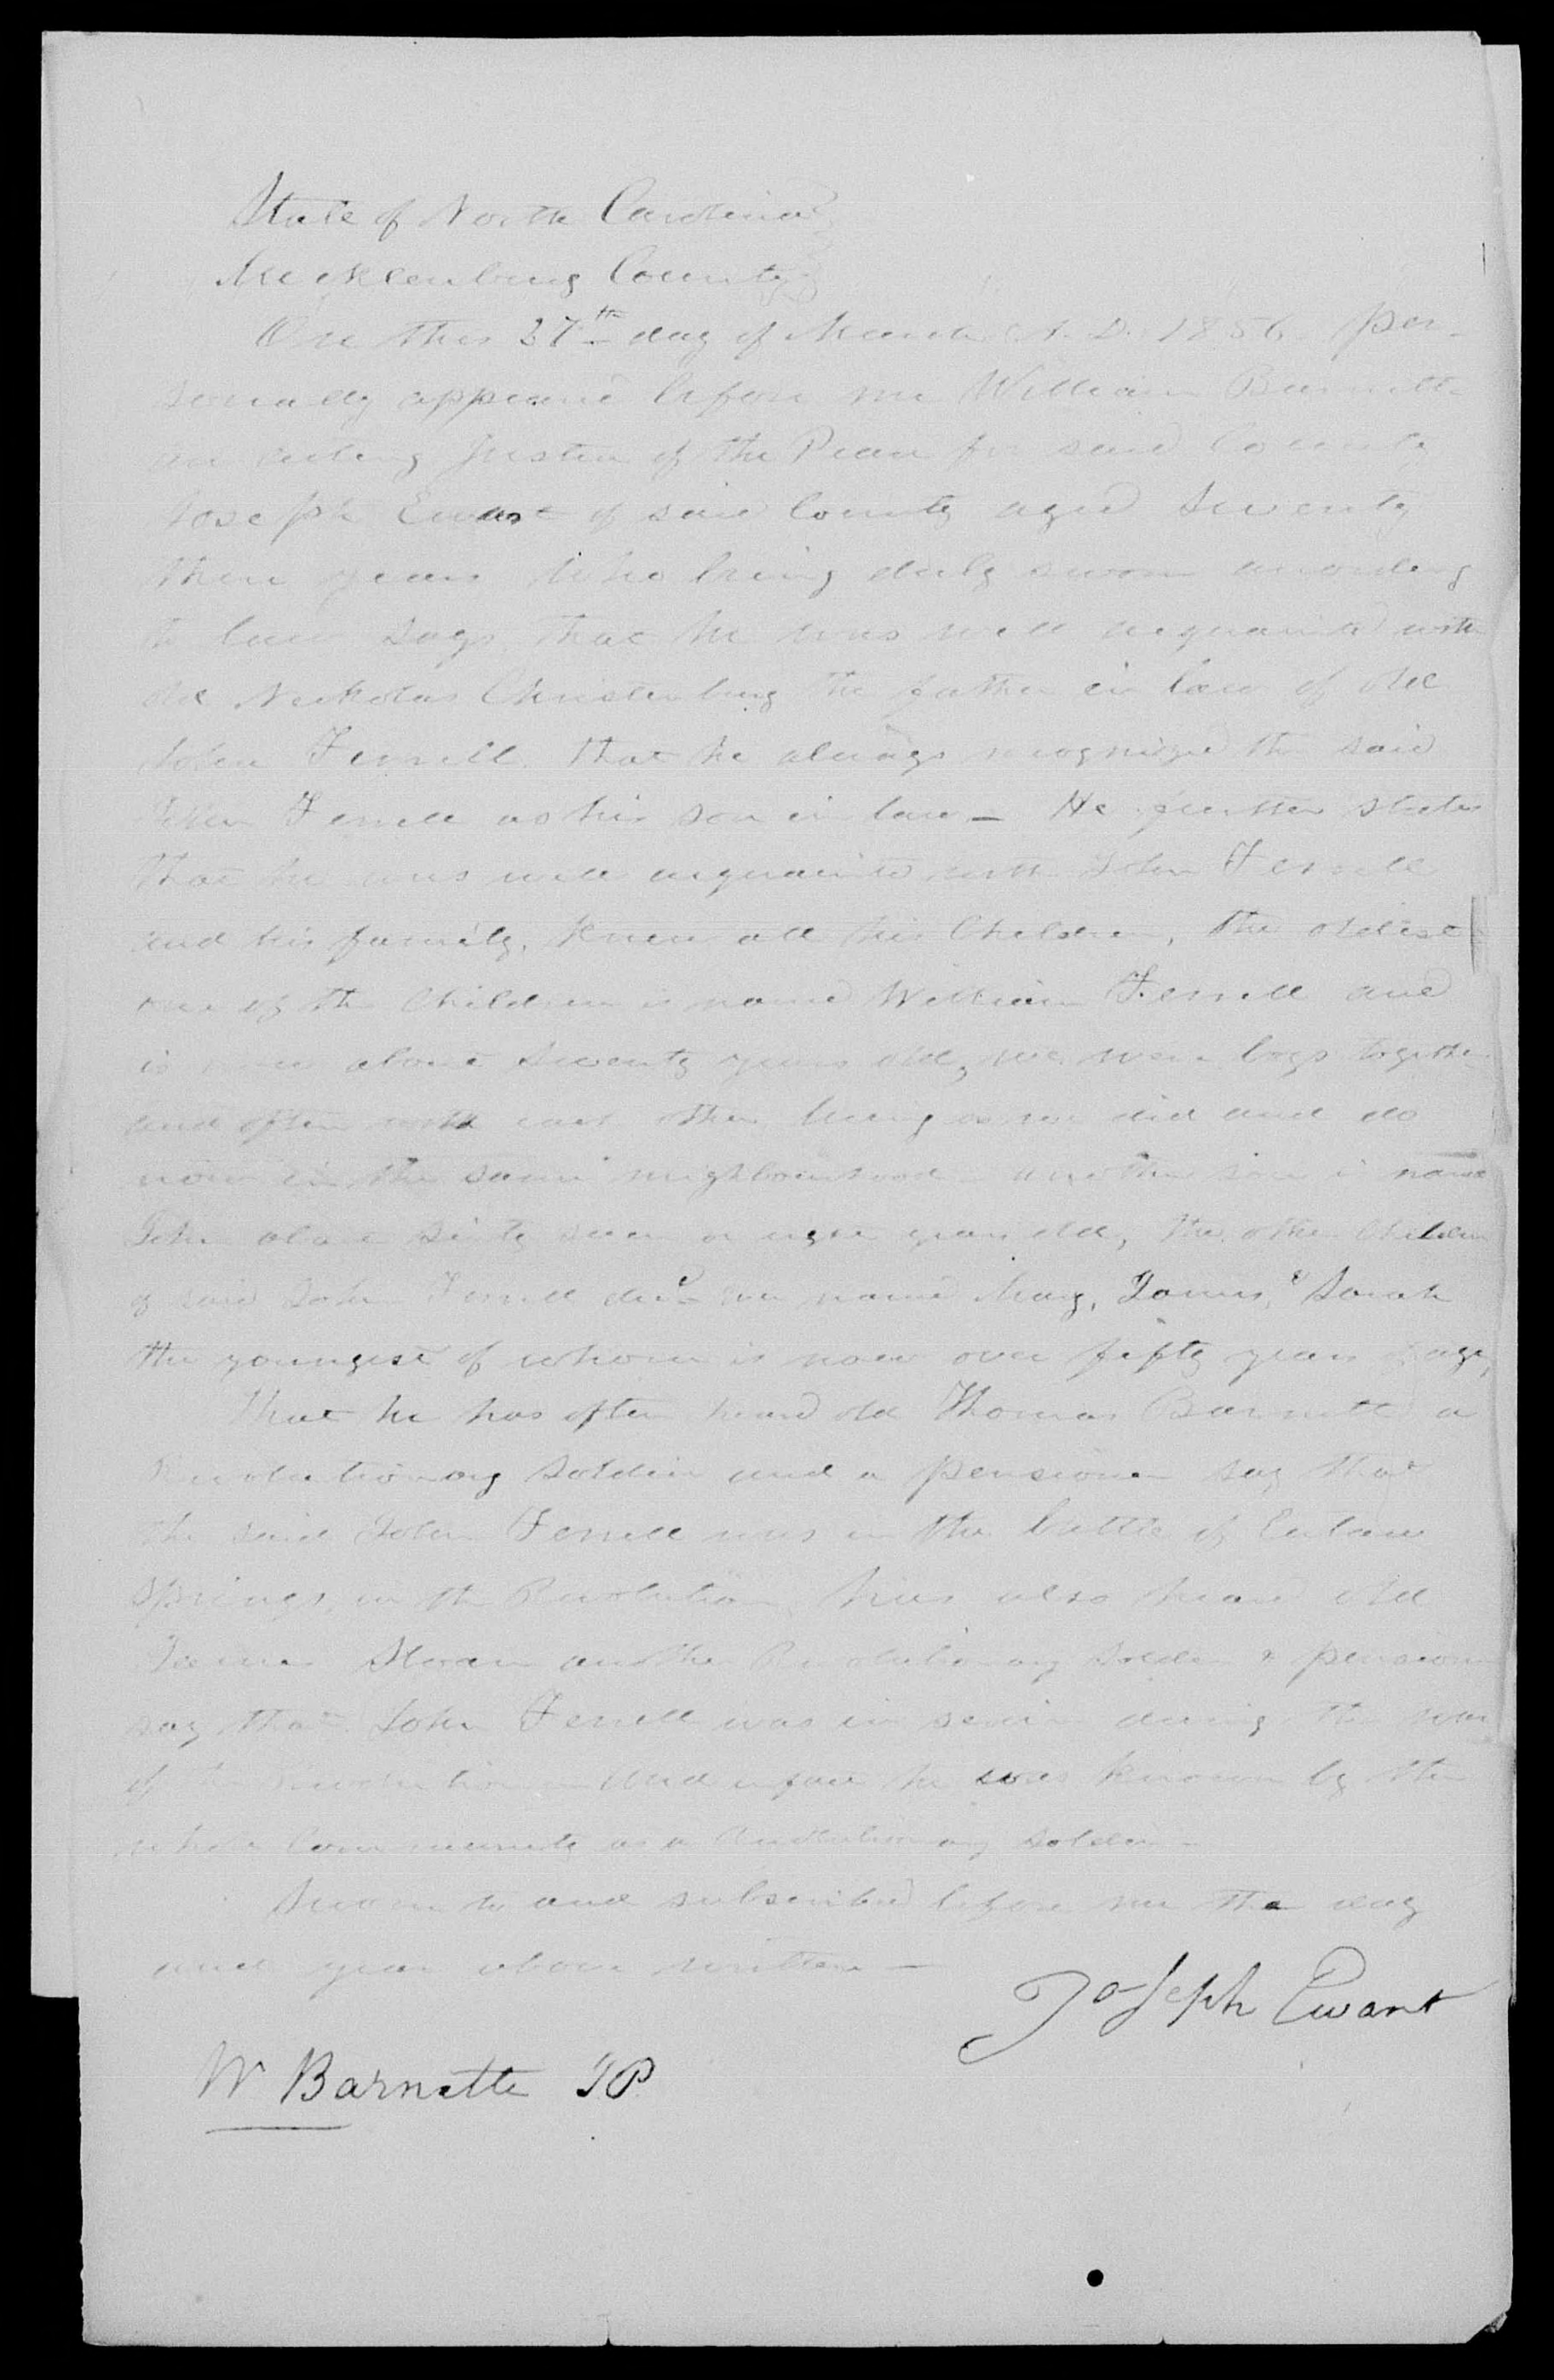State of North Carolina
Meckenburg County
On this 27th day of March A.D. 1856 personally appeared before me William Barnette an acting Justice of the Peace for said County. Joseph Everest of said County aged Seventy three years be he being duly sworn :illegible: to :illegible: says that he was :illegible: regiment with Col. Nicholas Christenburg the father in law of :illegible: John Ferrell that he always recognized the said that he was will organize with John Ferrell and his family knew all :illegible: Cholorea, the oldest of the children is named William Ferrell and is :illegible: about Seventy years old, we were boys together and often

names: William Barnette, Joseph Ewart, Thomas Barnett, Sarah, W Barnette, John Ferrell, Joseph Ewart, John Ferrell, John Ferrell, Nicholas Christenbury, William Ferrell, Mary, James, John Ferrell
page: 26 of 52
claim: rejected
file: R. 3,512, John Ferrell, N.C.